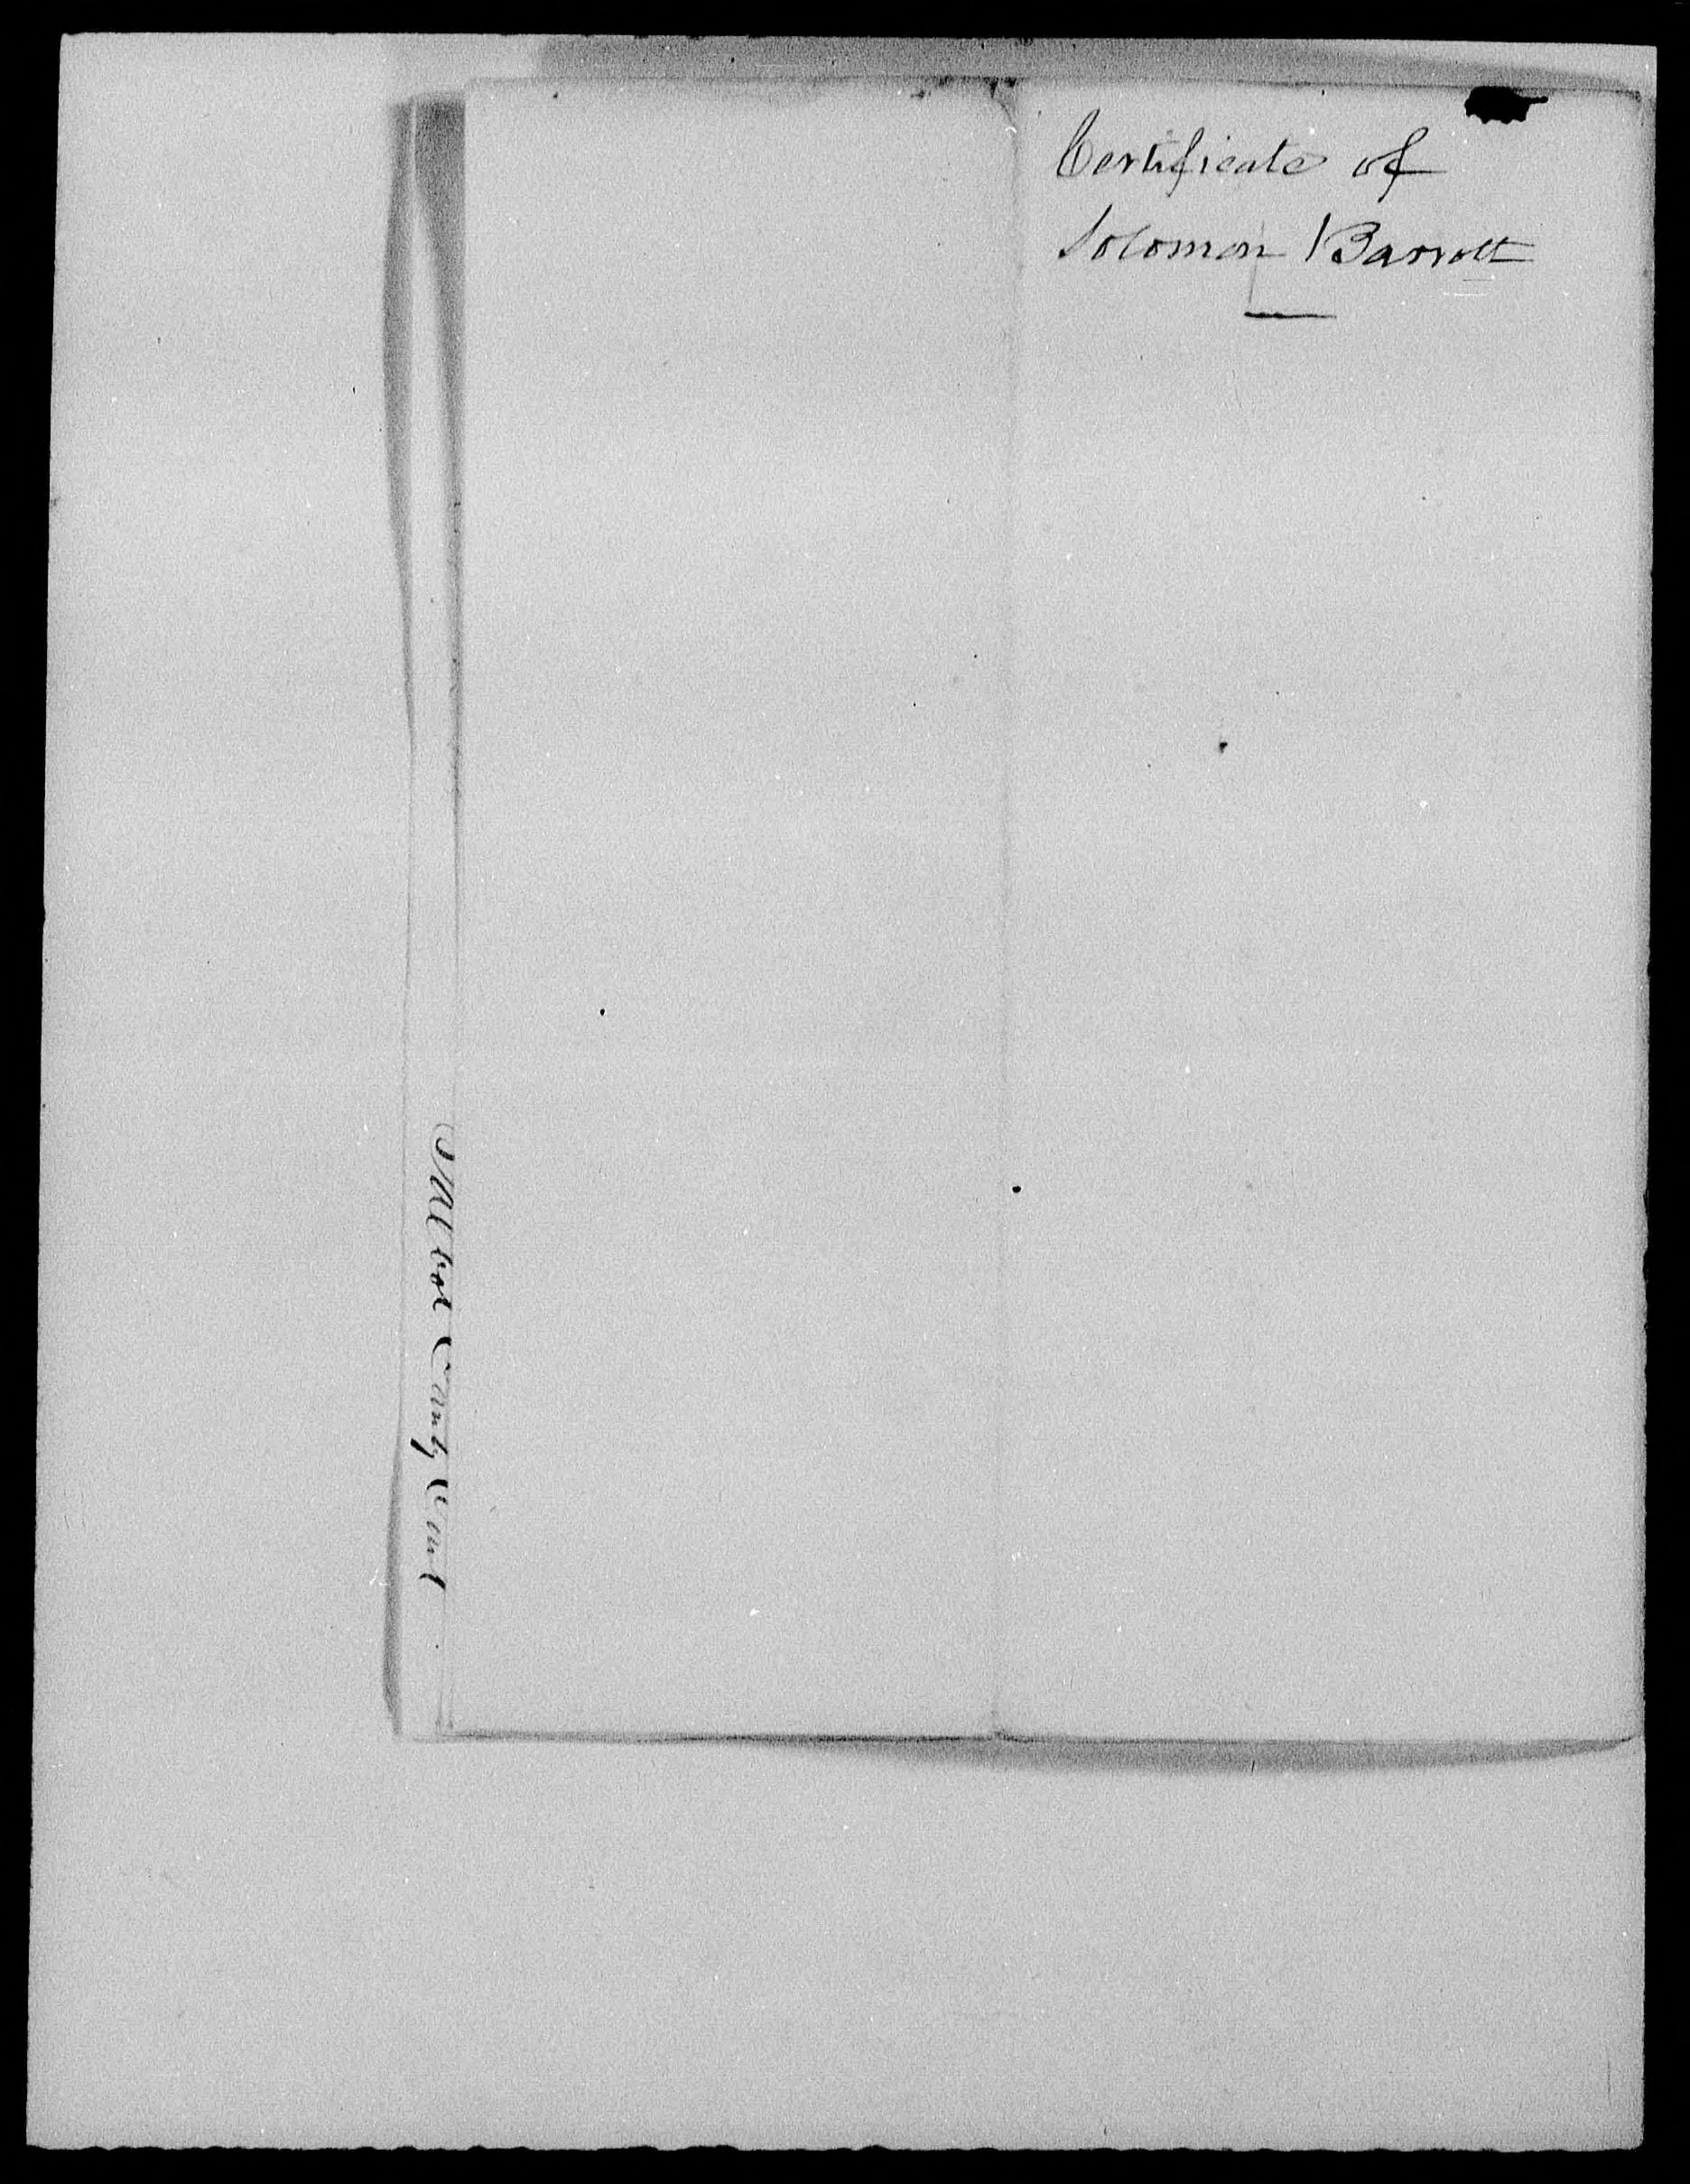[left margin]
Talbot County Court

[top right]
Certificate of
Solomon Barrott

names: Solomon Barrott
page: 18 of 26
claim: widow's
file: W 25651, Robert Cross, Md.